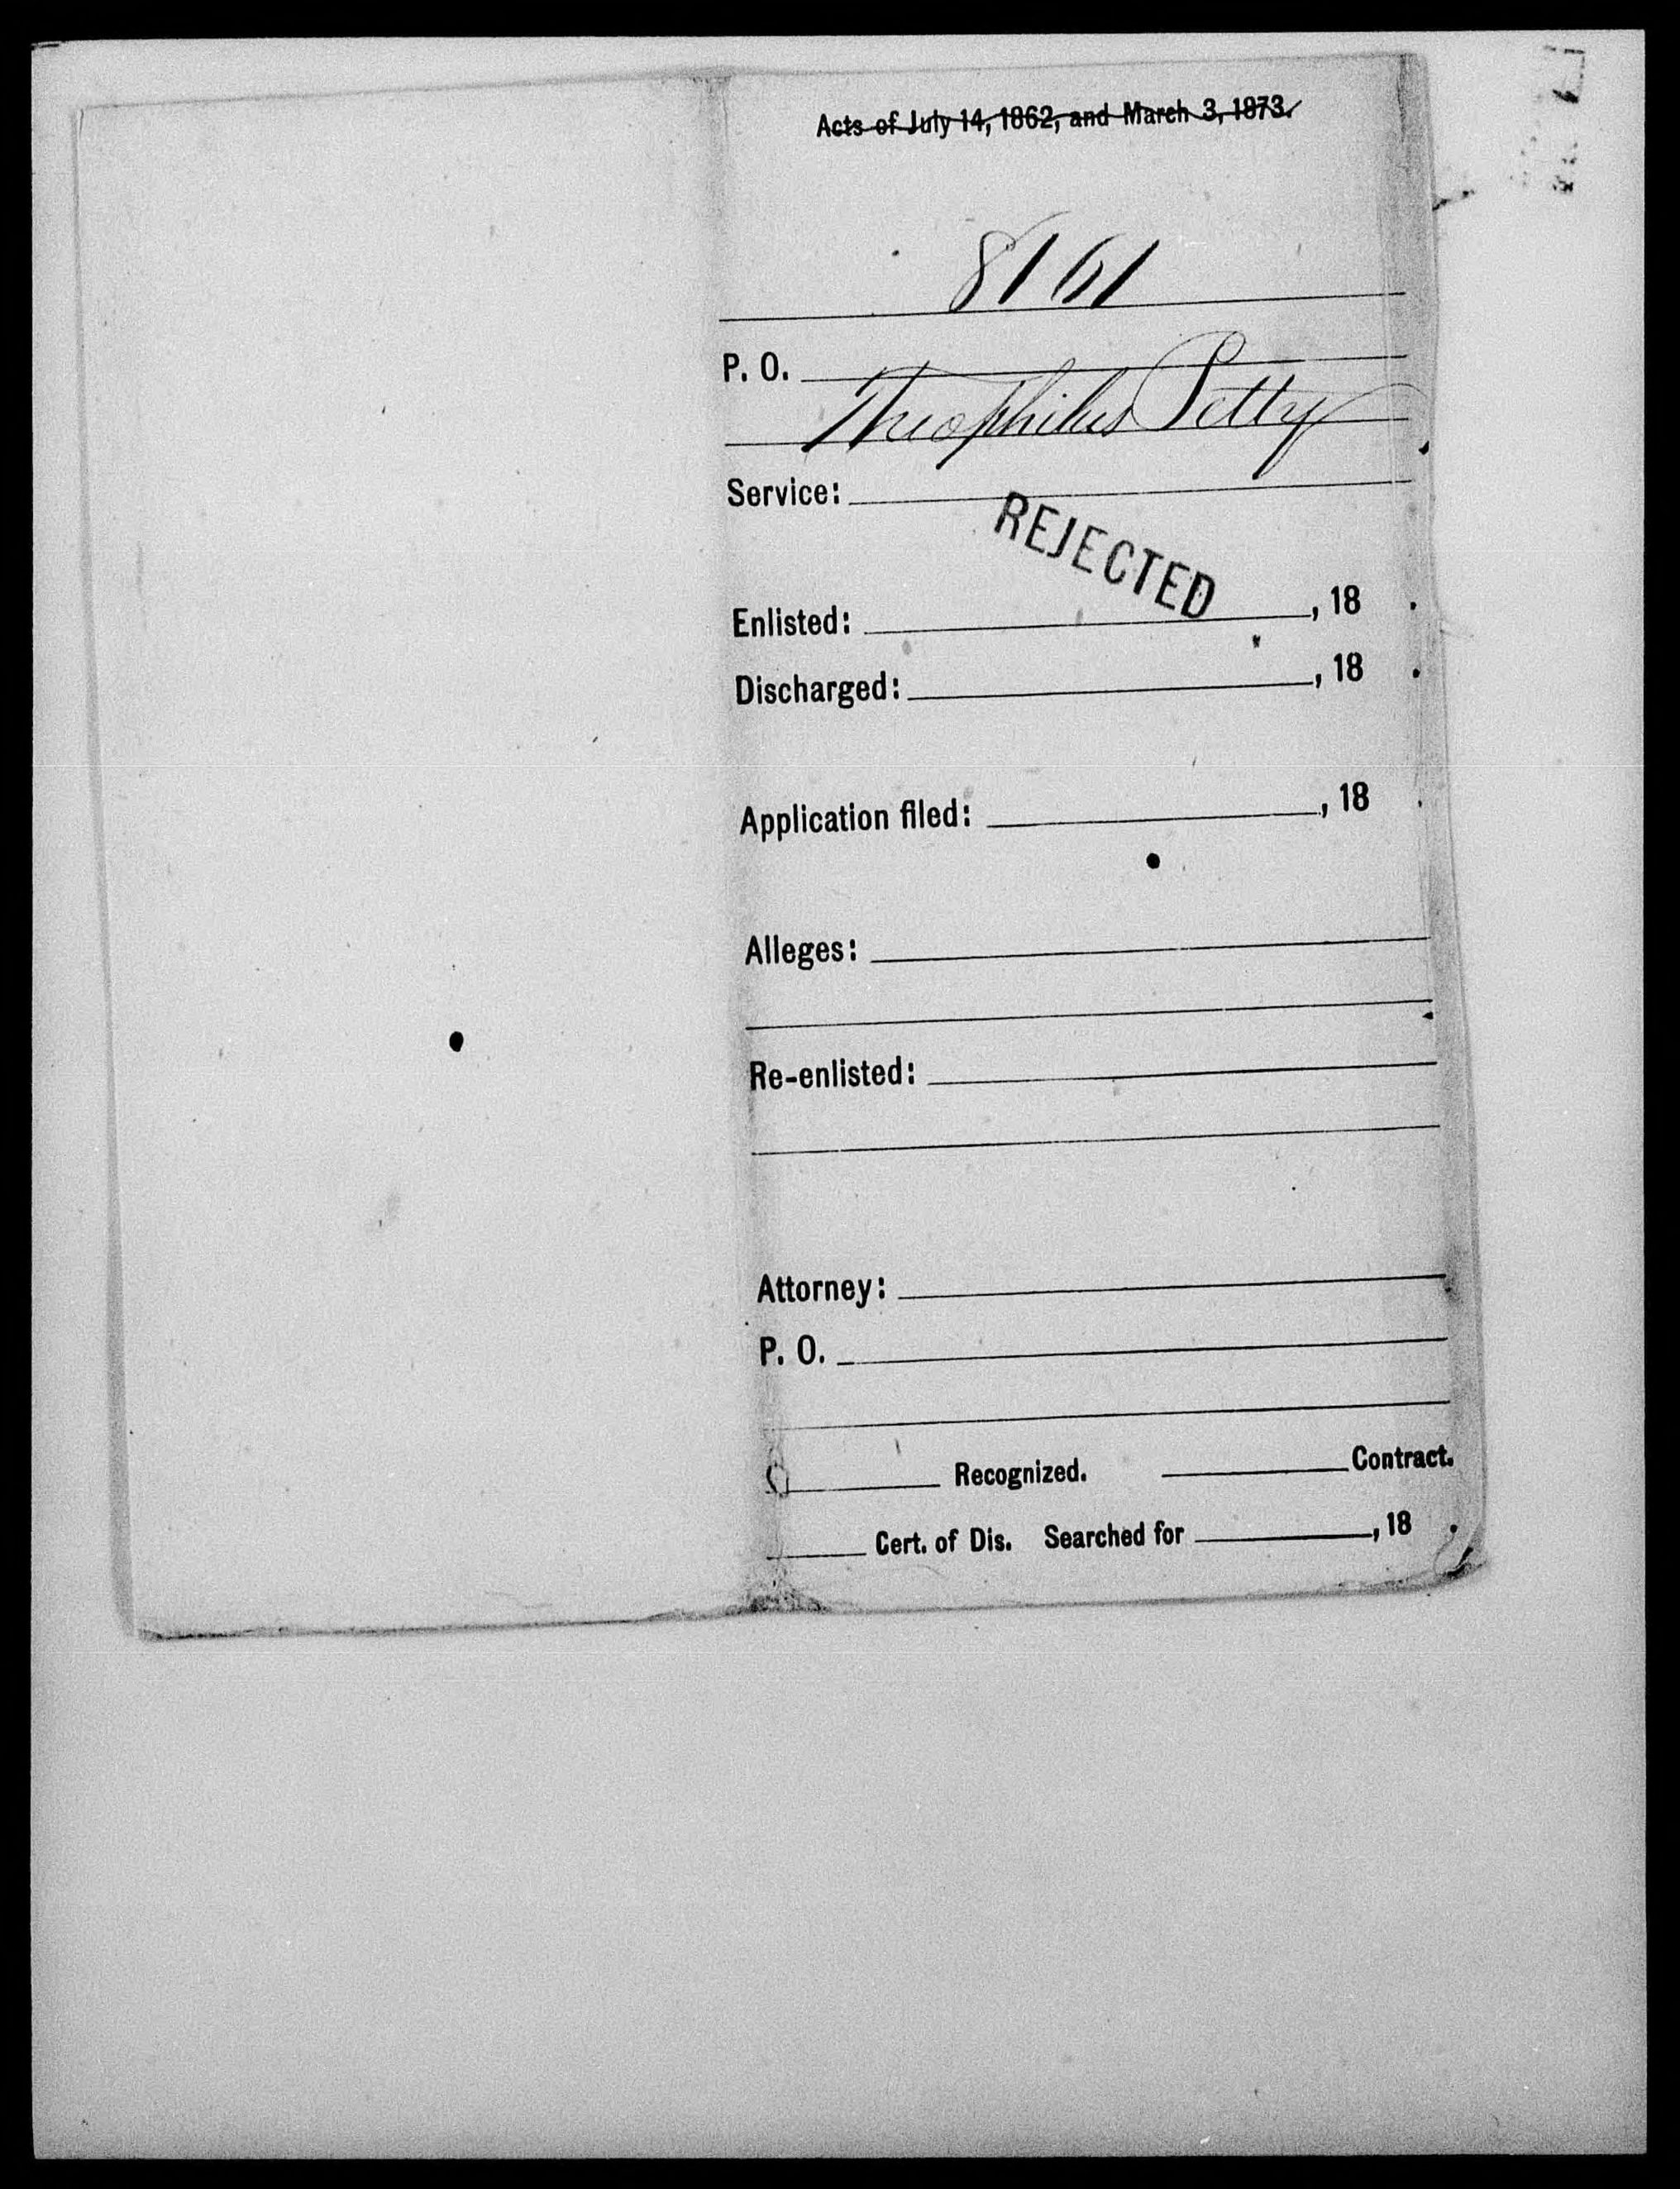[crossed out Acts of July 14, 1862, and March 3, 1873]

8161
PO Theophilus Petty
Service
REJECTED
Enlisted
Discharged
Application filed
Alleges
Re-enlisted
Attorney
PO
Recognized Contract
Cert of Dis Searched for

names: Theophilus Petty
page: 11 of 26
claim: rejected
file: R. 8,161, for Theophilus Petty, South Carolina